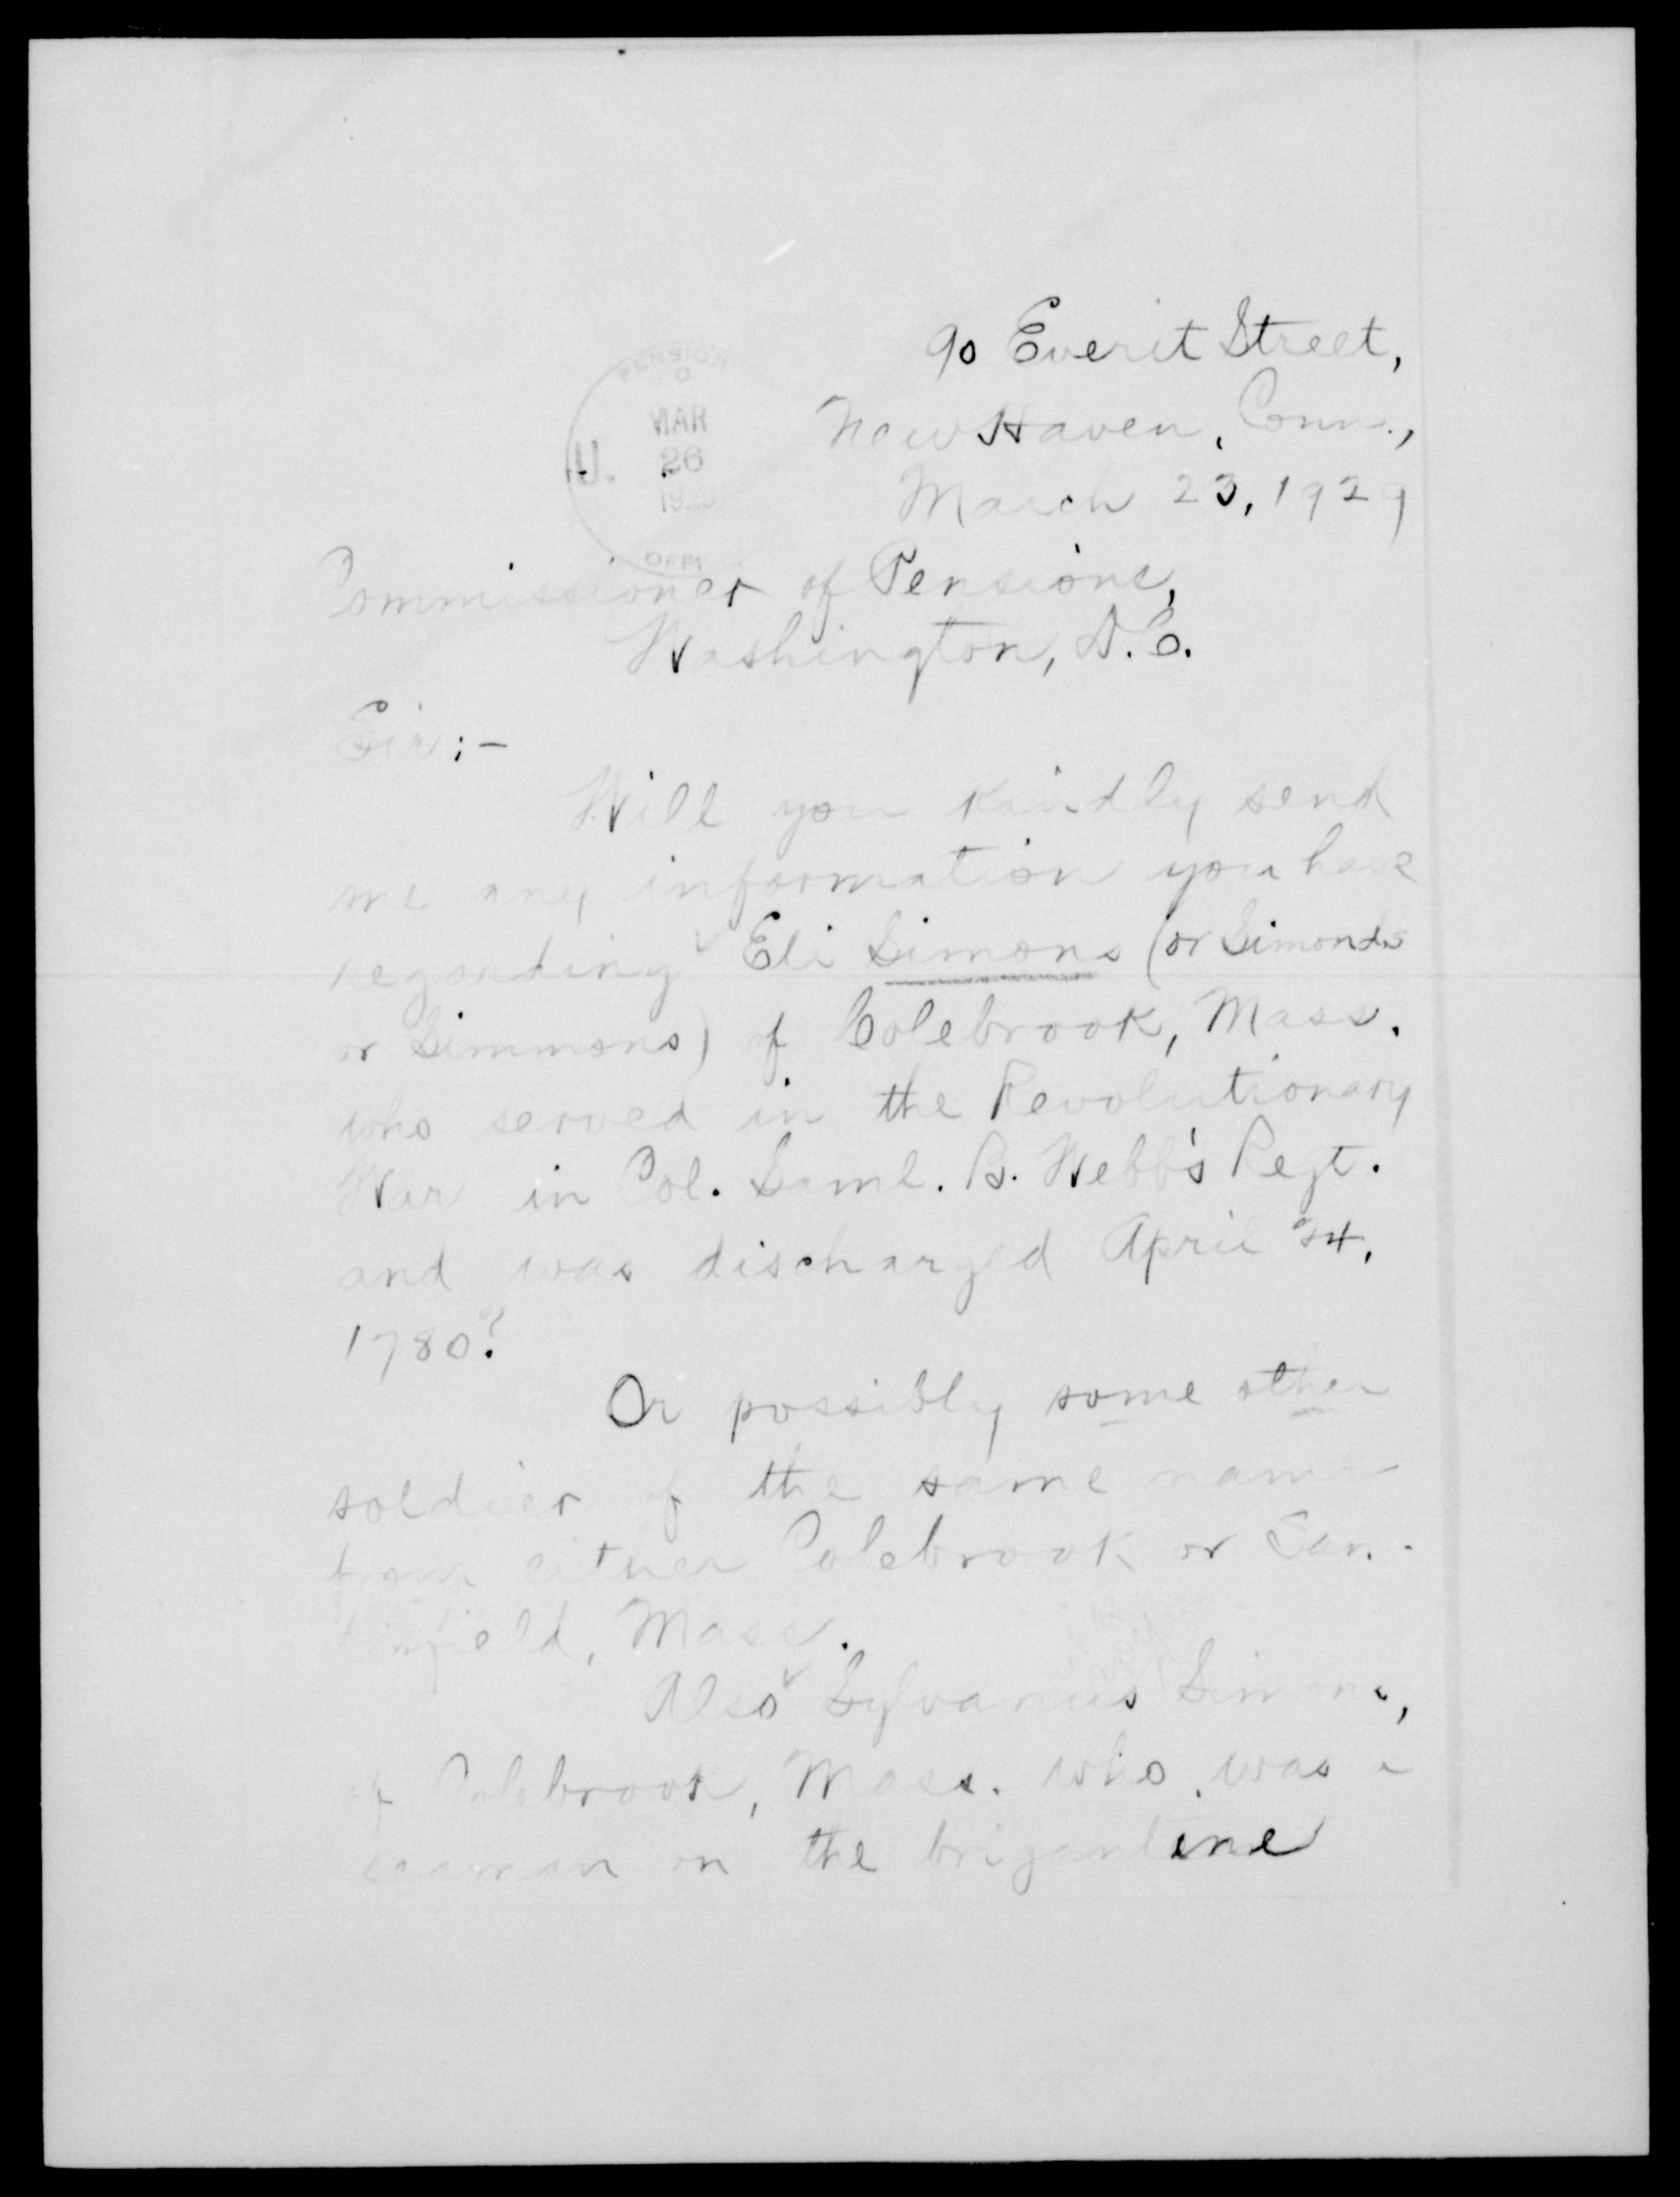90 Everit Street,
New Haven, Conn.,
March 23, 1929

[circle stamp] U.S. Pension Office Mar 26 1929

Commissioner of Pensions,
Washington, D.C.
Sir: -
Will you kindly send me any information you have regarding Eli Simons (or Simonds or Simmons) of Colebrook, Mass. who served in the Revolutionary War in Col. Saml. B. Webb's Regt. and was discharged April 24, 1780?
Or possibly some other soldier of the same name from either Colebrook or Sandisfield, Mass.
Also Sylvanus Simons, of Colebrook, Mass. who was a seaman in the brigantine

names: Eli Simons; Eli Simonds; Winfield Moses; Eli Simmons; Sylvanus Simons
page: 9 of 20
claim: survivor's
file: S 33668, for Eli Simons, Connecticut